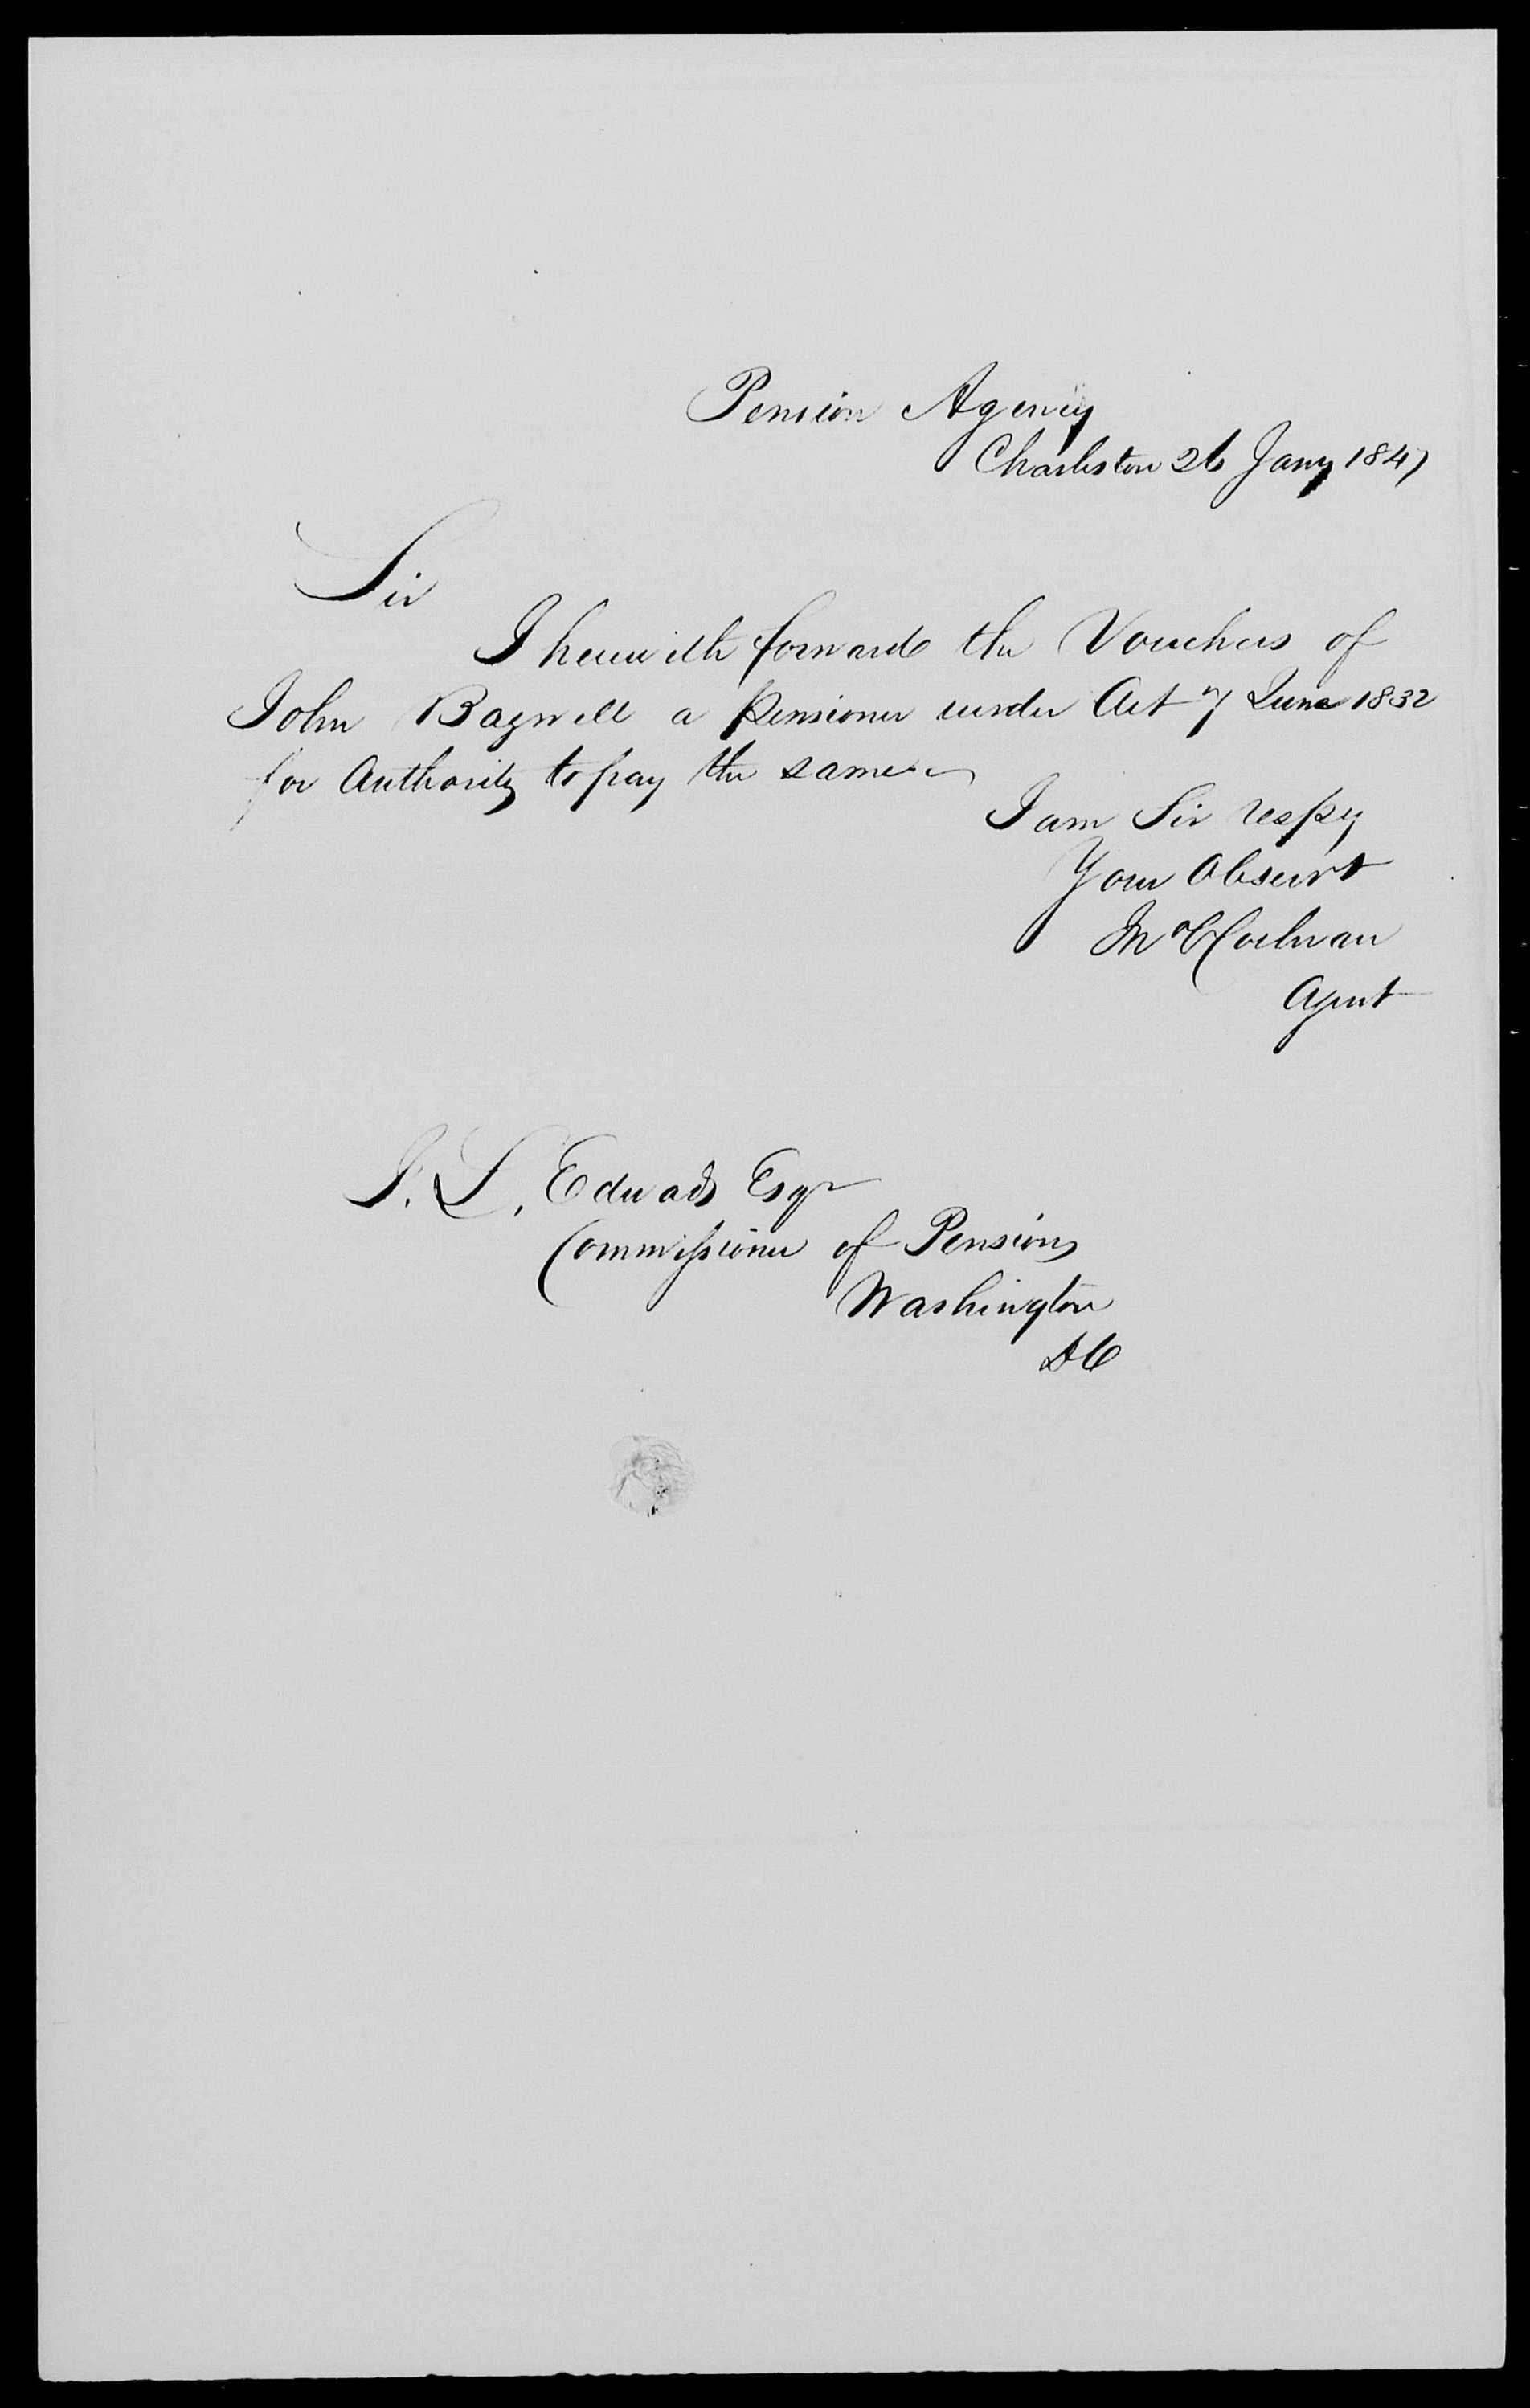Pension Agency
Charleston 26 Jany 1847
Sir
I herewith forward the vouchers of
John Bagwell a Pensioner under act of June 1832
for Authority to pay the same-
I am [  ]
your observation in [  ]

JL Edwards Esqr
Commissioner
of Pensions
Washington
D C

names: Jno B Cochran, John Bagwell, J L Edwads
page: 25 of 36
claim: survivor's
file: S 6571, John Bagwell, N.C.